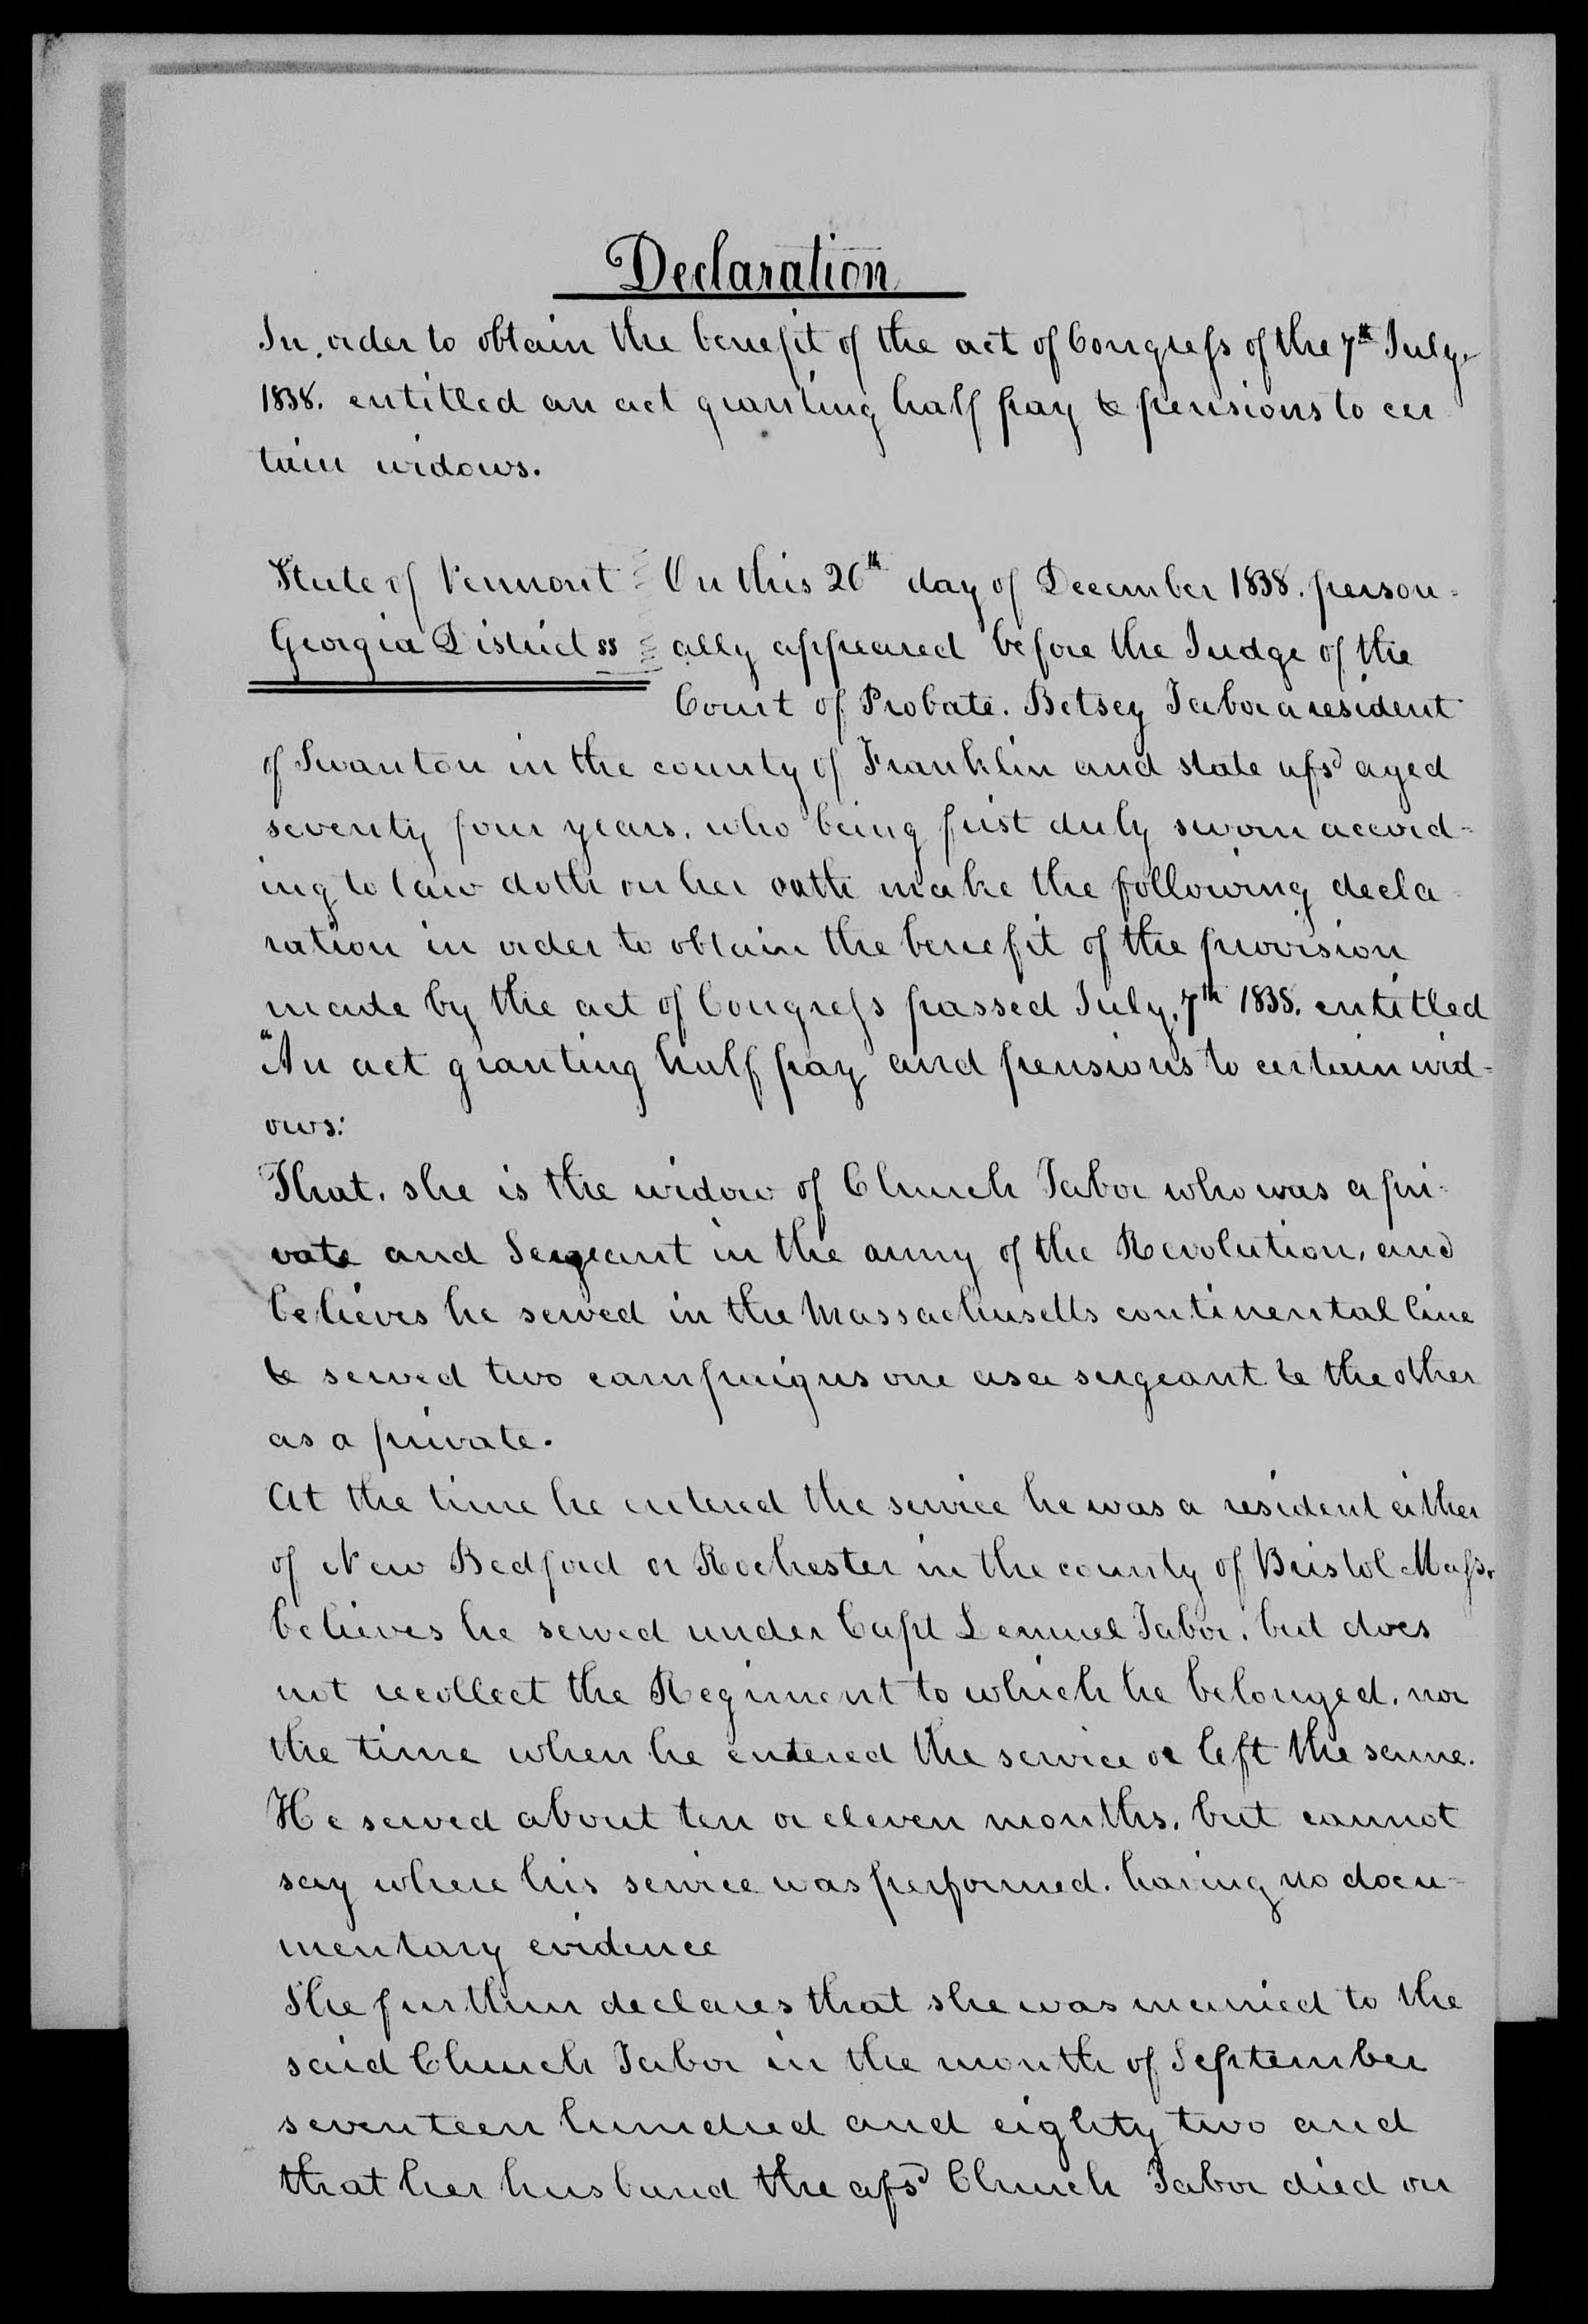Declaration
In order to obtain the benefit of the act of Congress of the 7th July 1838 entitled and act granting half pay & pensions to certain widows.

Sttate of Vermont
Georgia District ss
On this 20th day of december 1838, personally appeared before the Judge of the Court of Probate Betsey Tabor a resident of Swanton in the county of Franklin and state afsd. aged seventy four years, who being first duly sworn according to law doth on her oath, make the following declaration in order to obtain the benefit of the provision made by the act of Congress passed July 7th 1838, entitled "An act granting half pay and pensions to certain widows"
that she is the widow of Church Tabor who was a private and Sergeant in the army of the Revolution and believed he served in the Massachusetts continental line & served two campaigns one as a sergeant & the other as a private.
At the time he entered the service he was a resident either of New Bedford or Rochester in the county of Bristol Mass. believes he served under Capt. Lemuel Tabor, but does not recollect the Regiment to which he belonged, nor the time when he entered the service or left the same. he served about ten or eleven months but cannot say where is service was performed, have no documentary evidence.
She further declares that she was married to the said church Tabor in the month of September seventeen hundred and eighty two and that her husband the afsd. Church Tabor died on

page: 7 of 41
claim: widow's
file: W 26507, for Church Tabor, Massachusetts